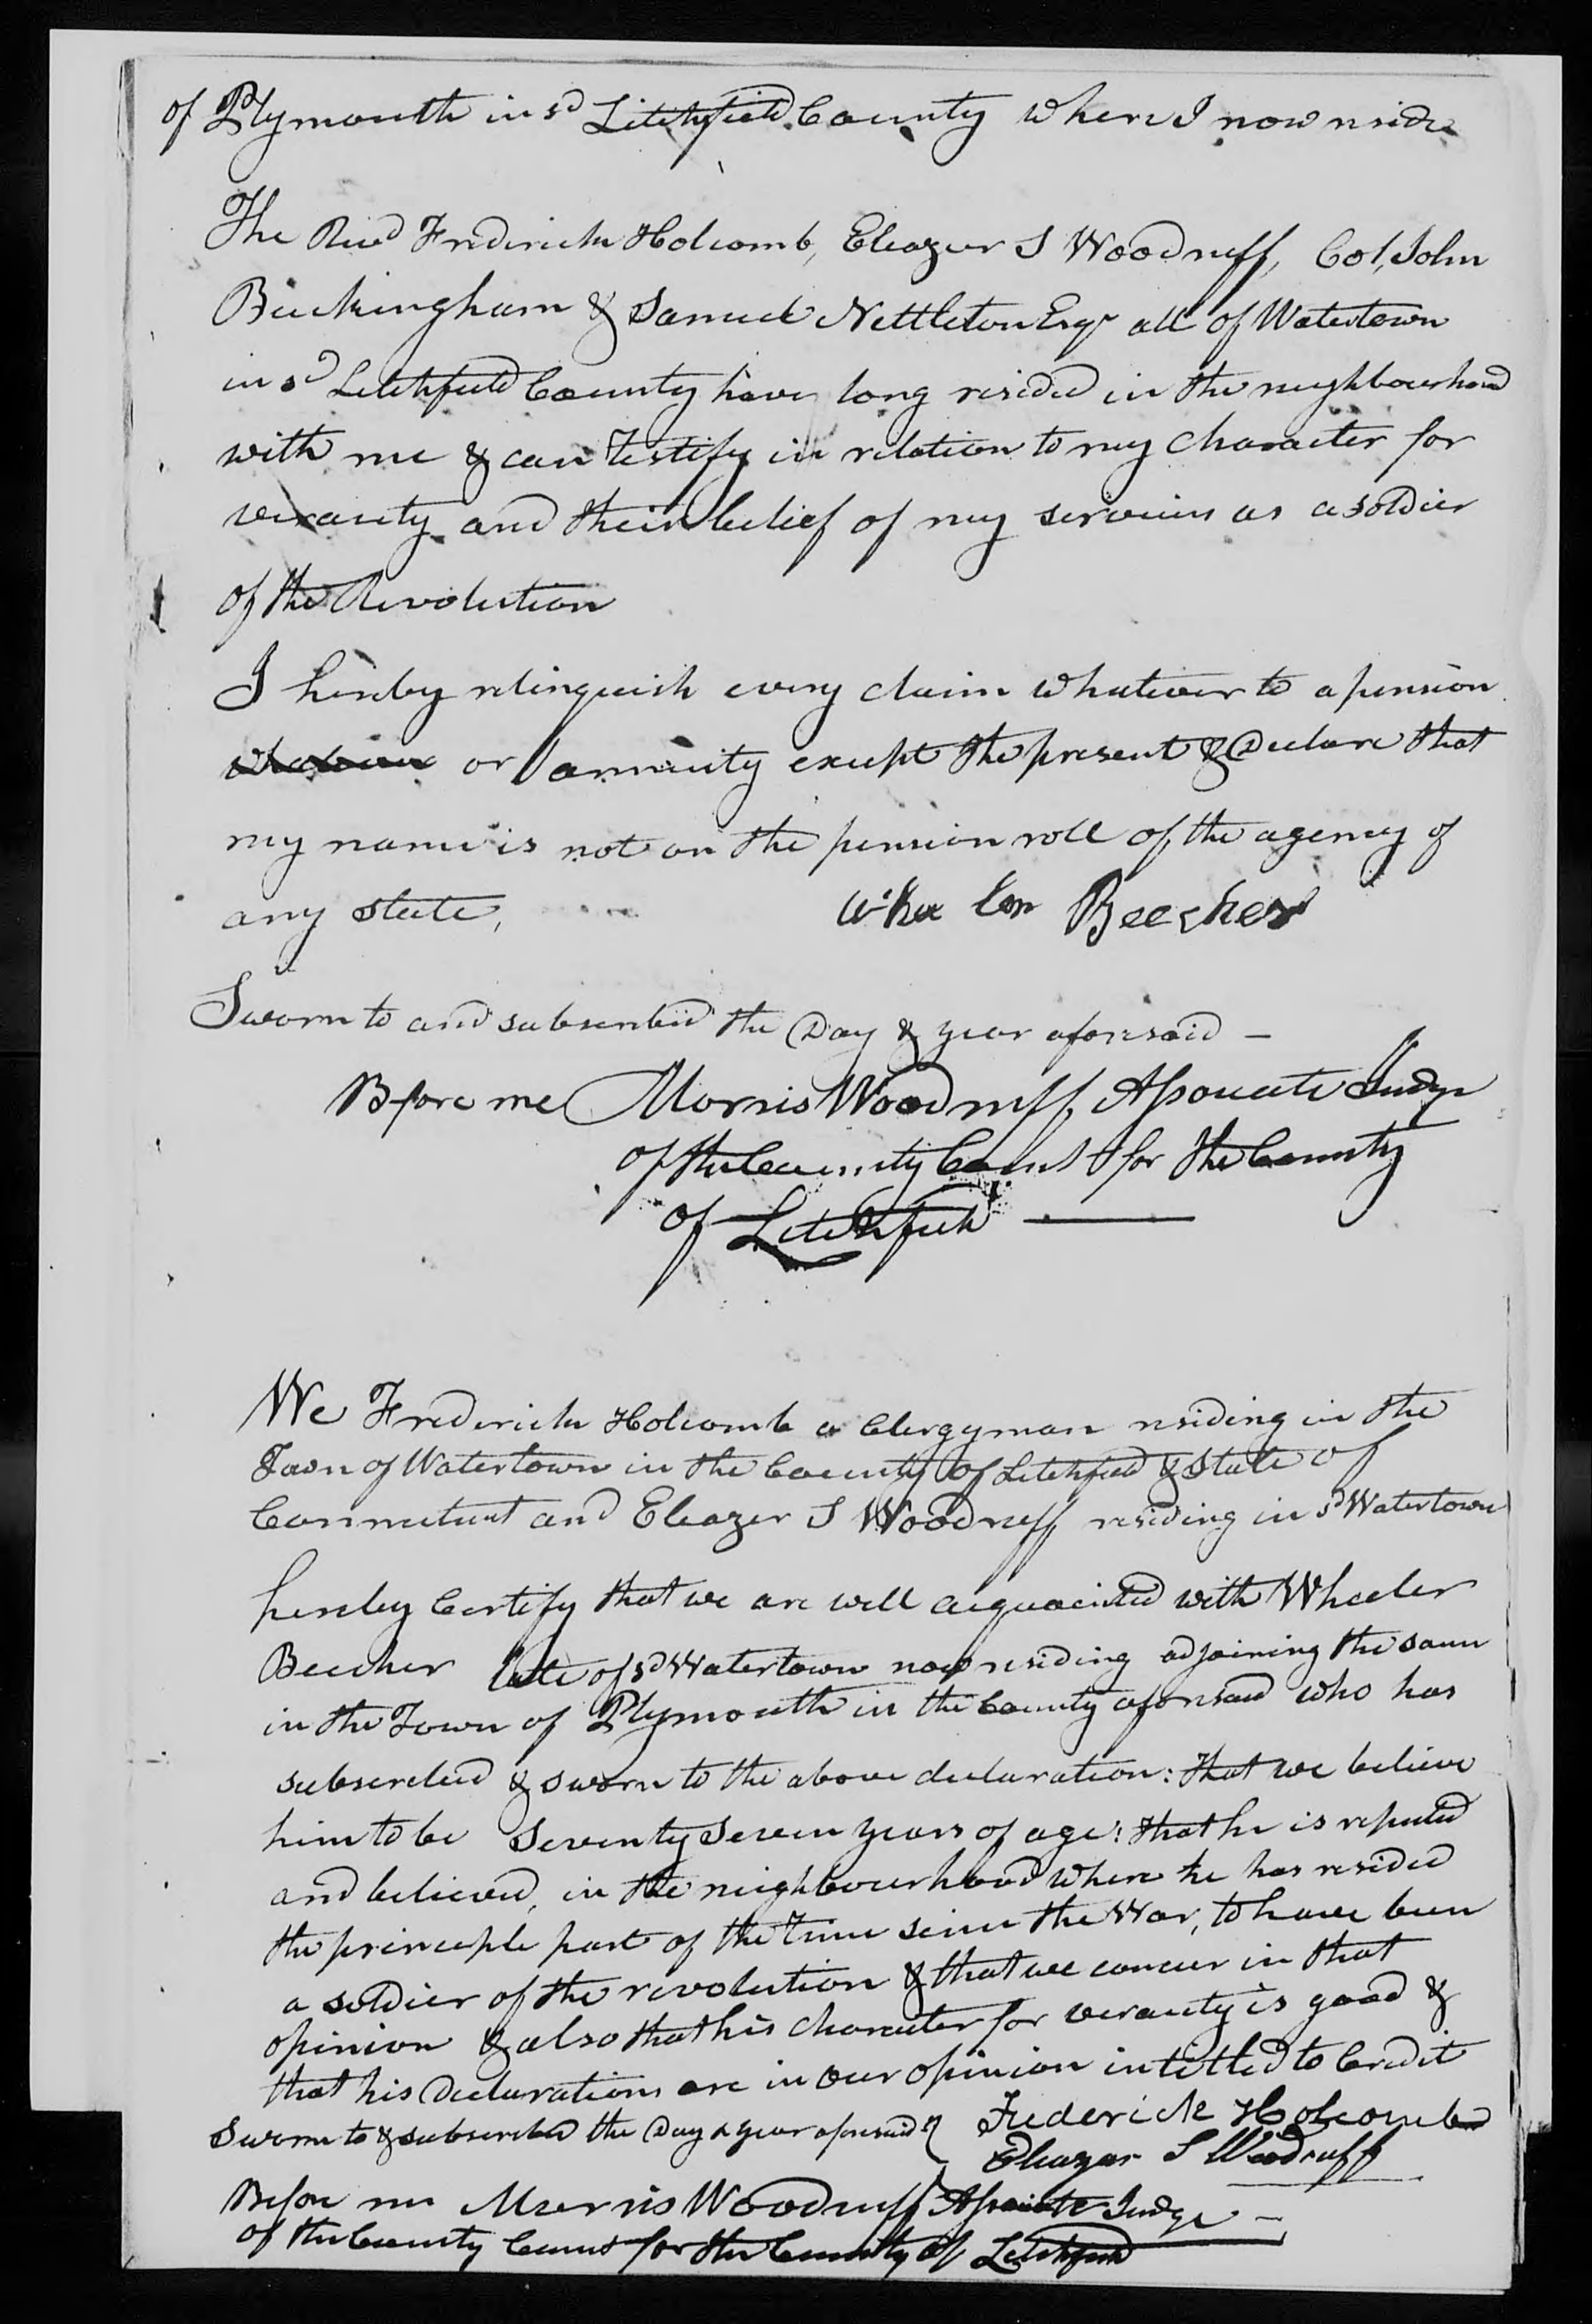of Plymouth in s'd Litchfield County where I now reside
The Rev'd Frederick Holcomb, Ebenezer S Woodruff, Col John Buckingham & Samuel Nettleton Esq all of Watertown in s'd Litchfield County have long resided in the neighborhood with me & can Testify in relation to my character for veracity and their belief of my services as a soldier of the Revolution
I hereby relinquish every claim whatever to a pension or annuity except of present & declare that my name is not on the pension roll of the agency of any State
Wheeler Beecher
Sworn to and subscribed to day & year aforesaid -
Before me Morris Woodruff Associate Judge of the County Court for the County of Litchfield -

We Frederick Holcomb a Clergyman residing in the Town of Watertown in the County of Litchfield & State of Connecticut and Ebenezer S Woodruff residing in s'd Watertown hereby certify that we are well acquainted with Wheeler Beecher late of s'd Watertown now residing adjoining the same in the Town of Plymouth in the County aforesaid who has subscribed & sworn to the above declaration: That we believe him to be Seventy Seven years of age: That he is reputed and believed, in the neighborhood where he has resided the principle part of the time since the War, to have been a Soldier of the revolution & that we concur in that opinion & also that his character for veracity is good & that his declarations are in our opinion intitled to Credit
Sworn to & subscribed that day & year aforesaid {Frederick Holcomb Ebenezer S Woodruff
Before me Morris Woodruff Associate Judge of the County Court for the County of Litchfield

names: John Buckingham, Morris Woodruff, Eleazer S Woodruff, Wheeler Beecher, Samul Nettleton, Frederick Holcomb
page: 7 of 21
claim: survivor's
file: S. 14943, Wheeler Beecher, Conn.